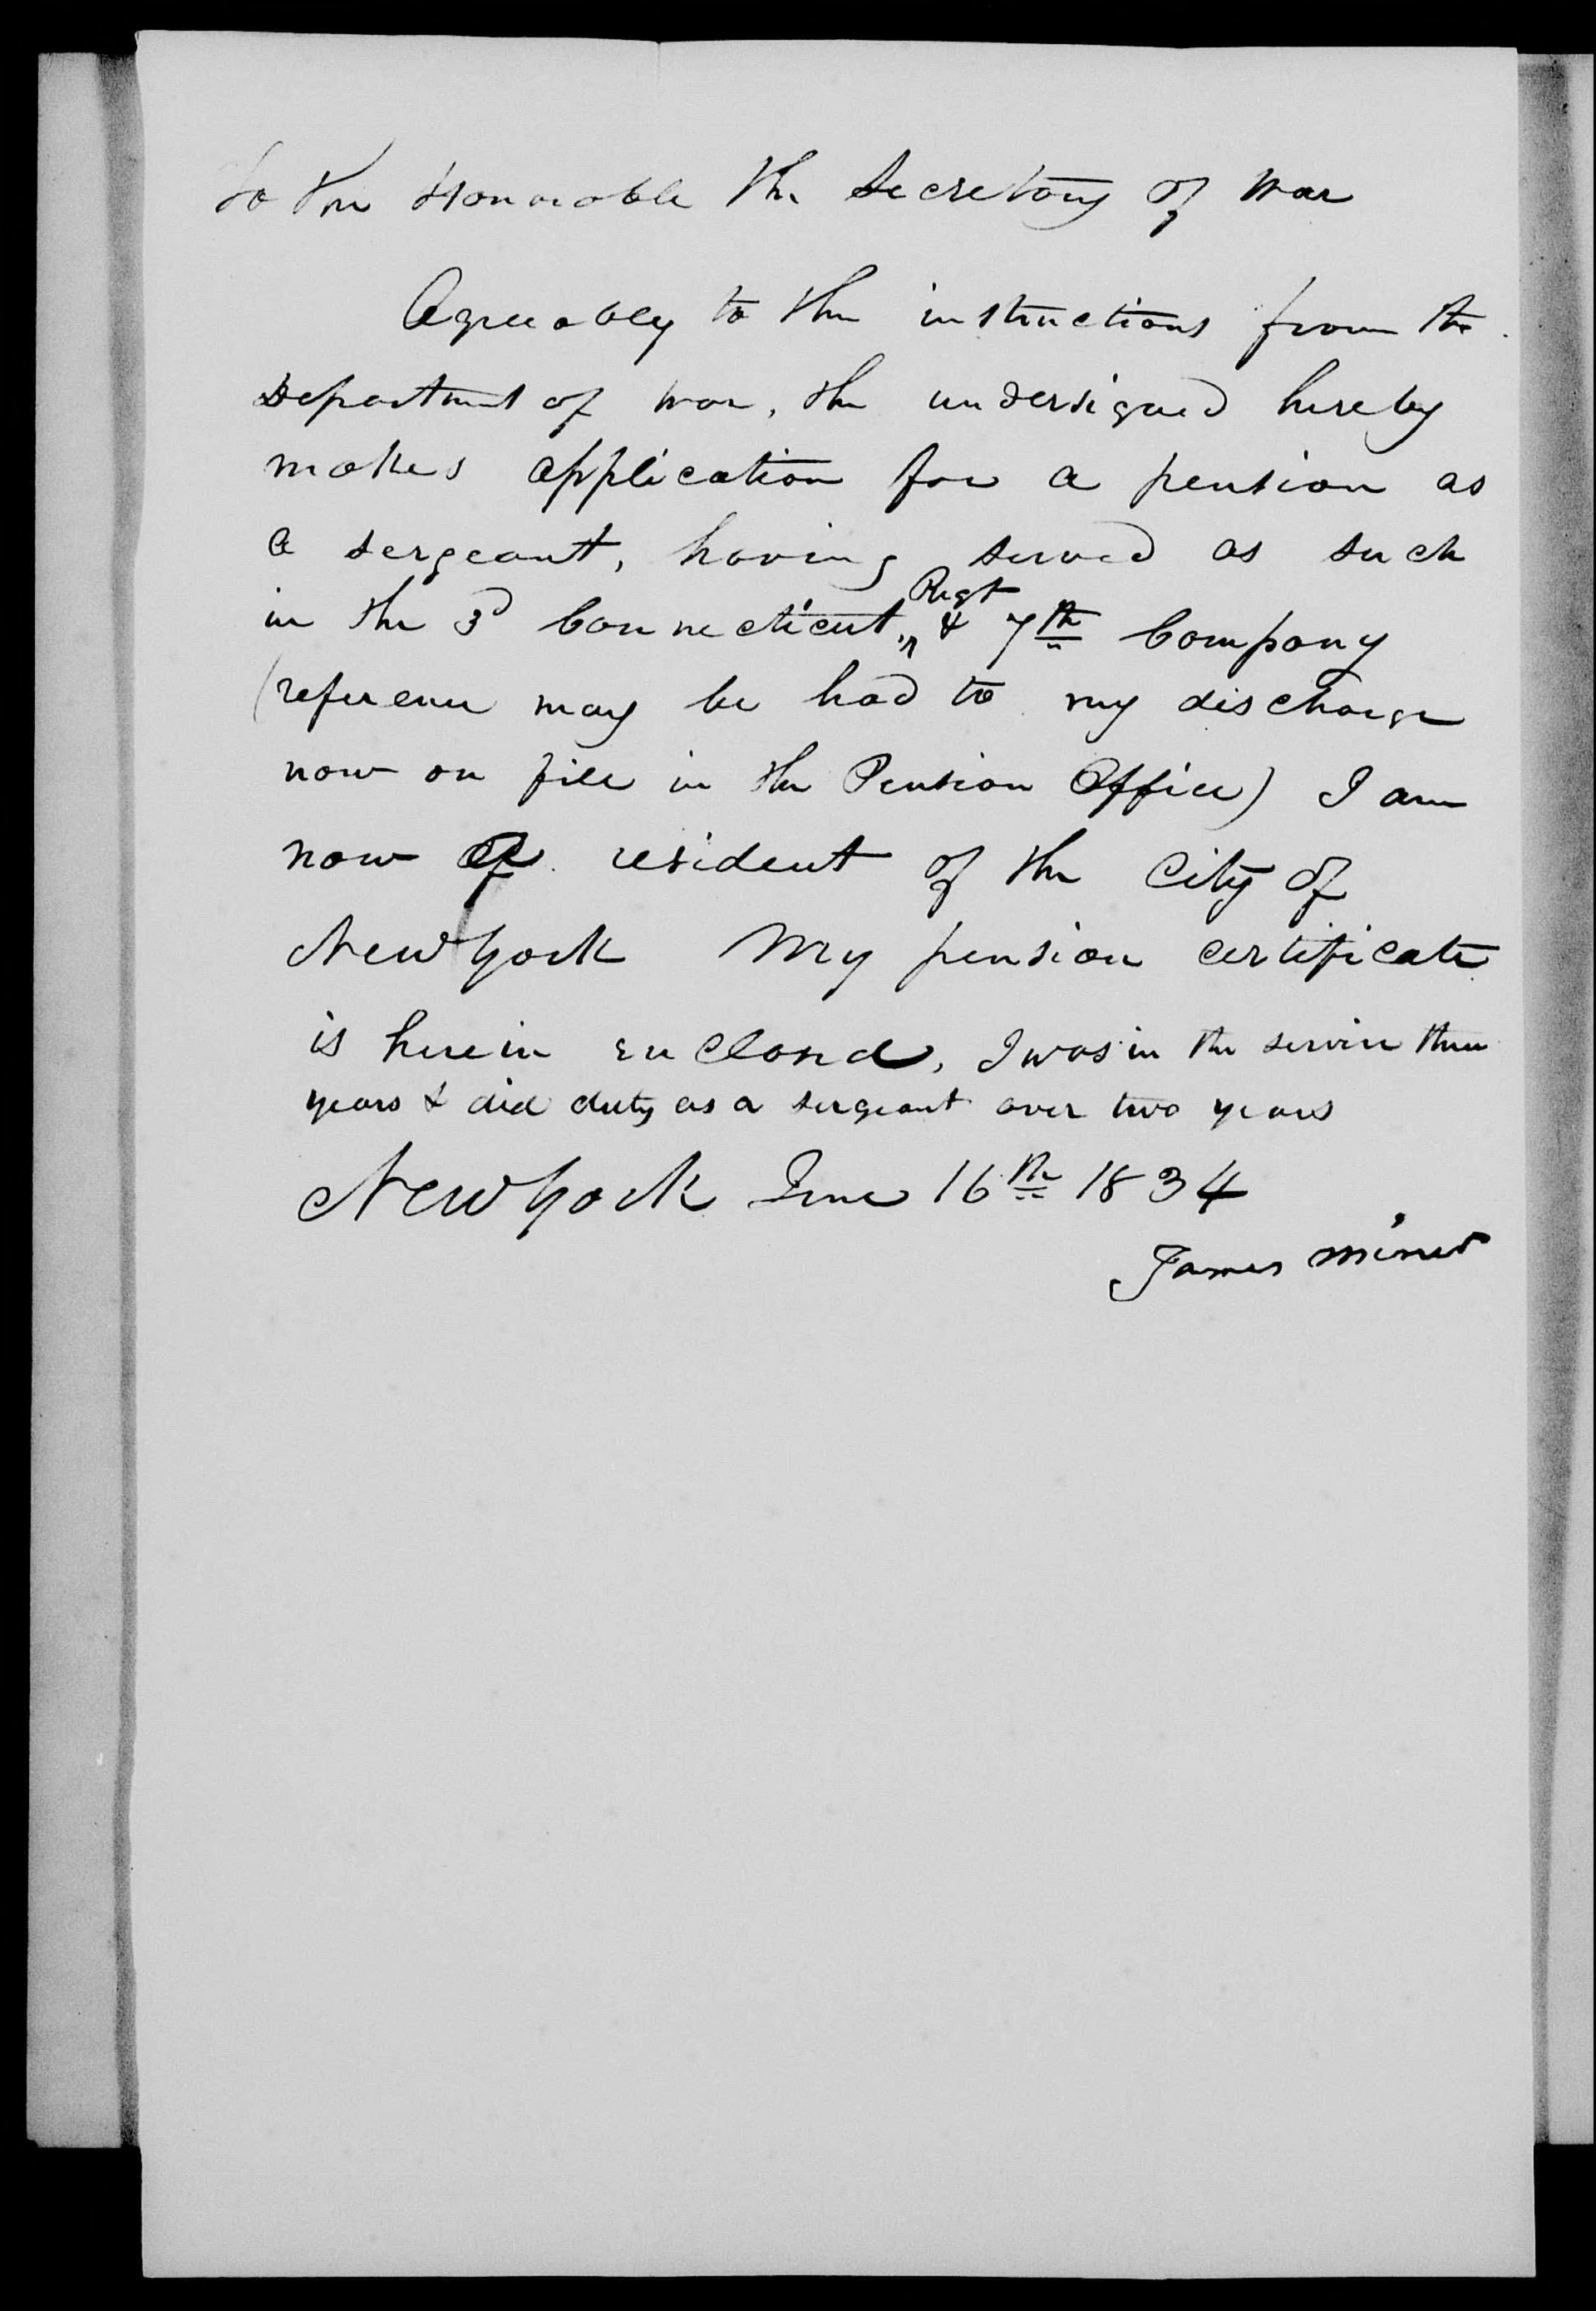To the Honorable the Secretary of War
Agreeably to the instructions from the
Department of War, the undersigned hereby
makes application for a pension as
Sergeant, having served as such
in the 3d Connecticut Regt & 7th Company
(reference may be had to my discharge
now on file in the Pension Office) I am
now a resident of the City of
New York My pension certificate
is herein enclosed, I was in the service there
years & did duty as a Sergeant over two years
New York June 16th 1834
James Miner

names: James Miner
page: 37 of 39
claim: survivor's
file: S. 23802, for James Miner, Connecticut